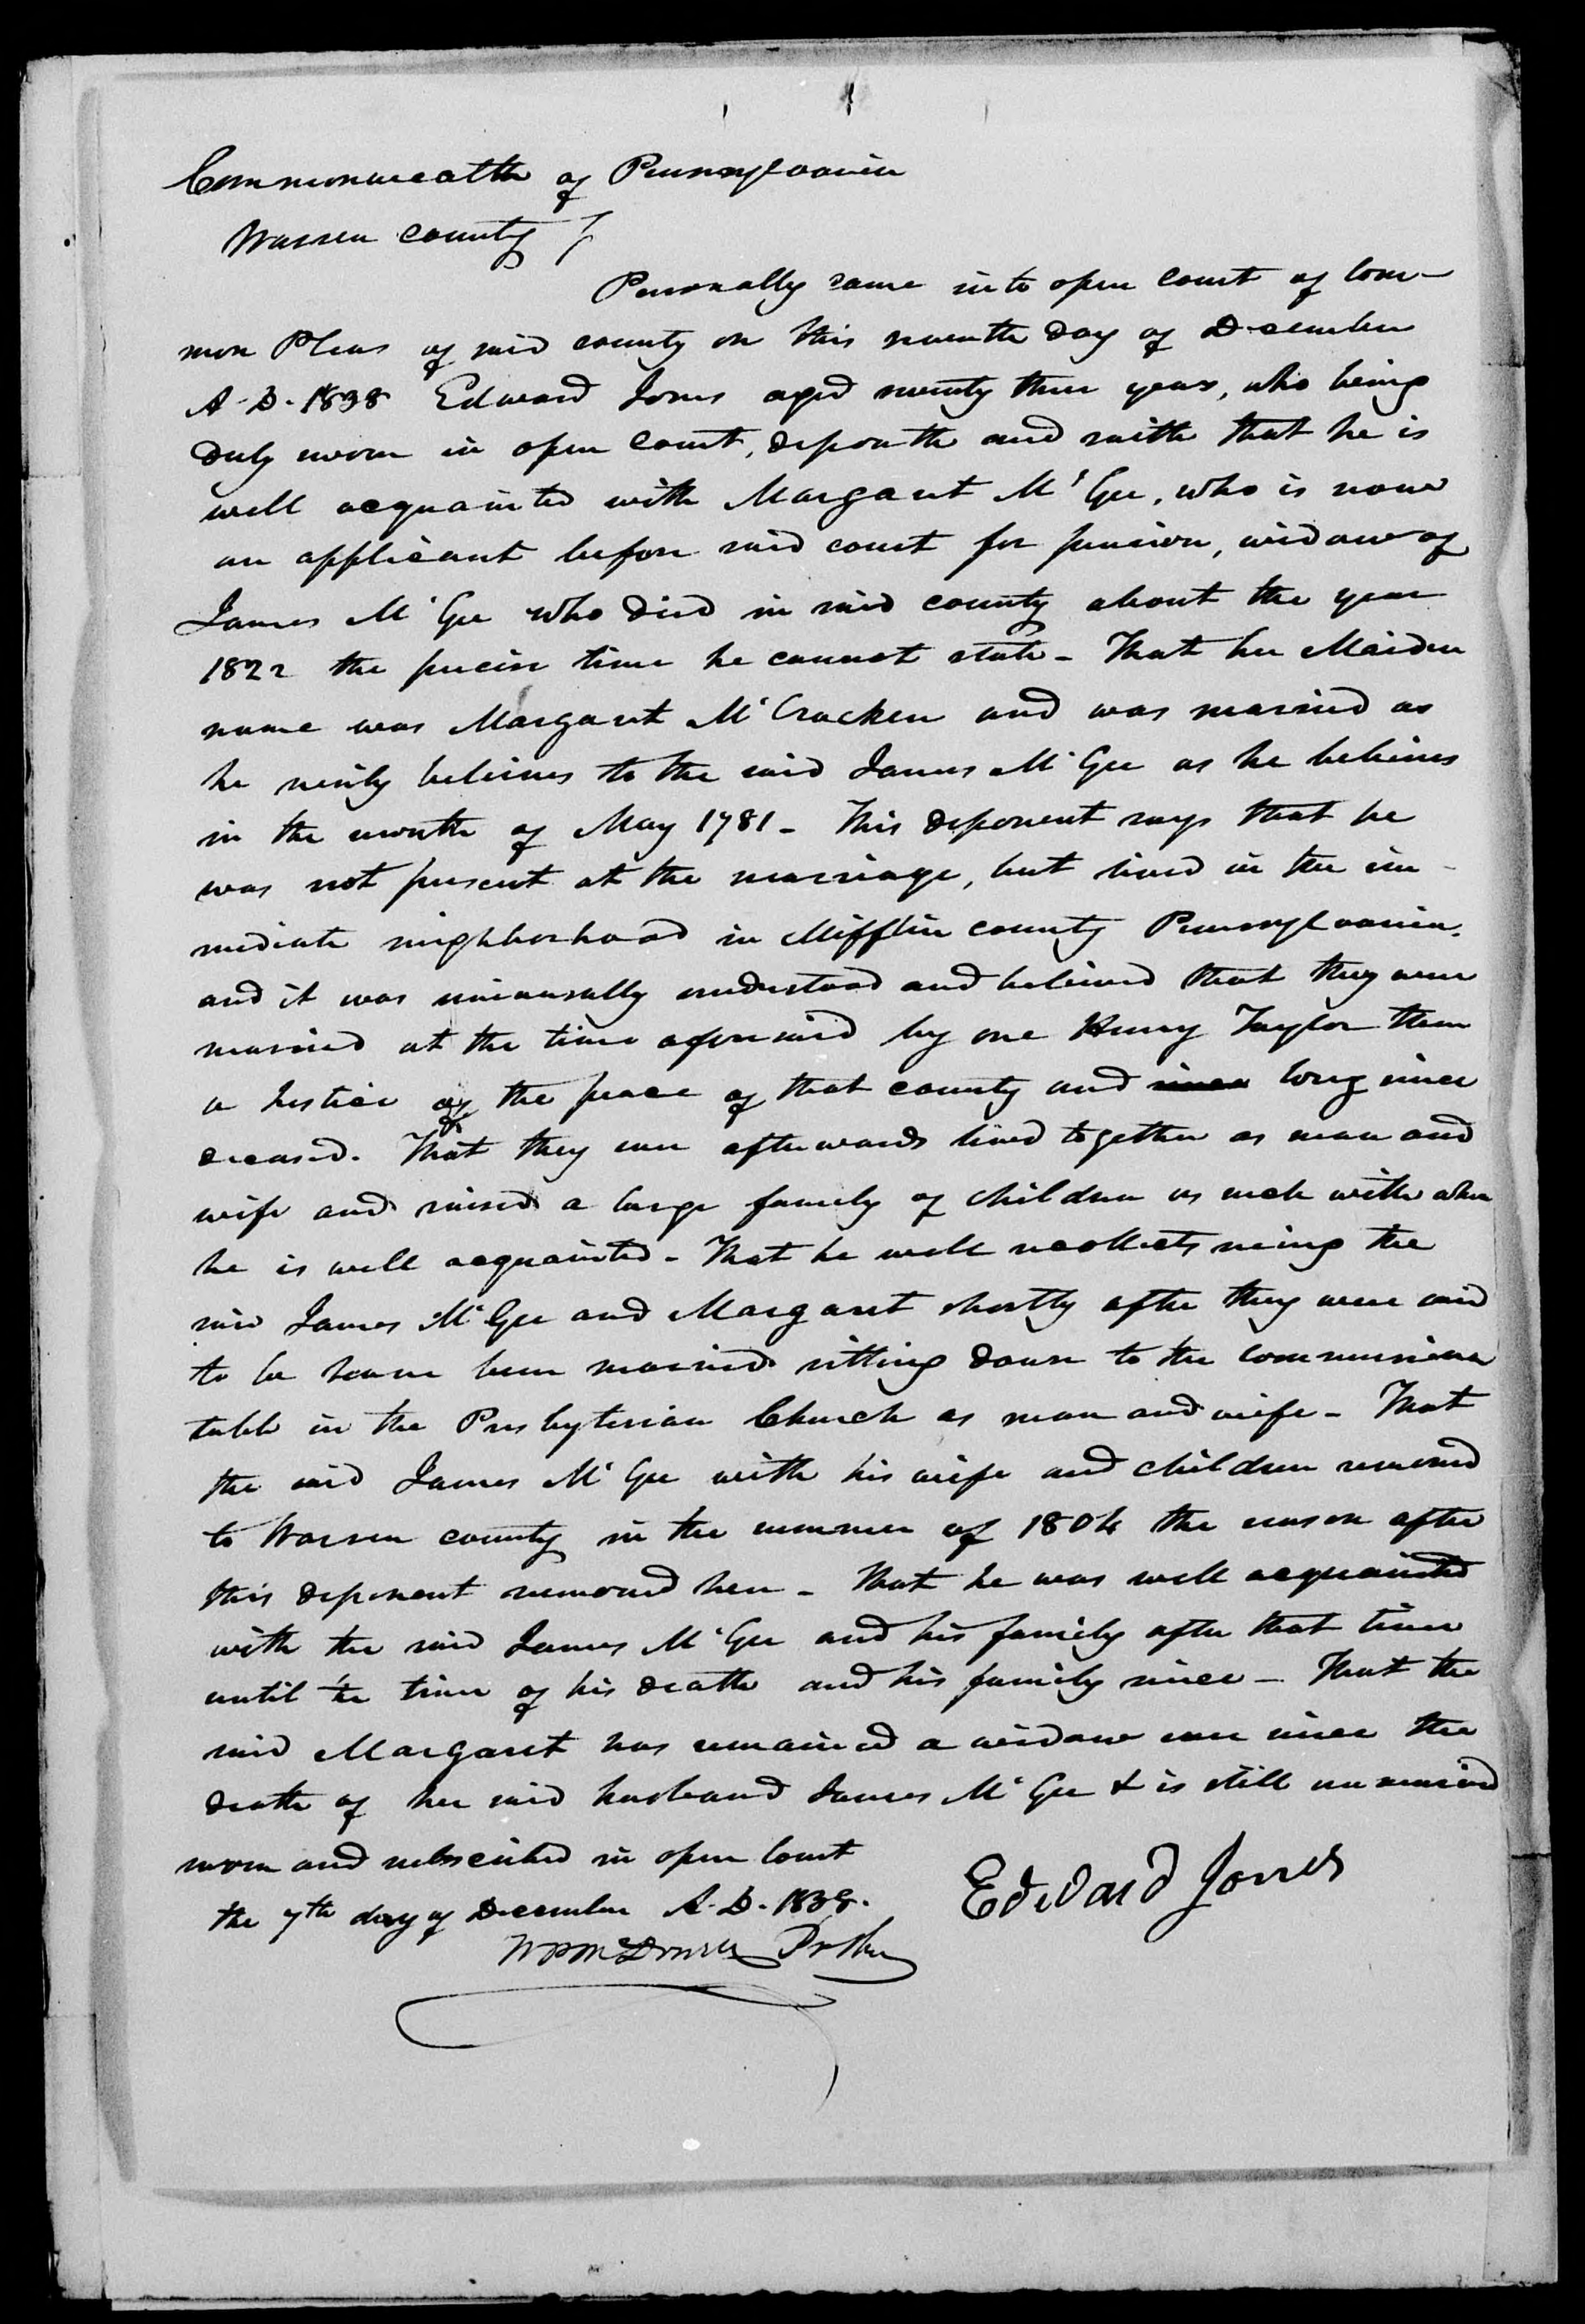Commonwealth of Pennsylvania 
Warren County 
Personally came into open Court of Common Pleas of said County on this seventh day of December A.D. 1838 Edward Jones aged seventy three years, who being duly sworn in open Court, deponeth and saith that he is well acquainted with Margaret McGee, who is now an applicant before said court for pension, widow of James McGee who died in said county about the year 1822 the precise time he cannot state. That her Maiden name was Margaret McCracken and was married as he verily believes to the said James McGee as he believes in the month of May 1781. This deponent says that he was not present at the marriage, but lived in the immediate neighborhood in Mifflin County Pennsylvania and it was universally understood and believed that they were married at the time aforesaid by one Henry Taylor then a Justice of the peace of that County and long since deceased. That they were afterwards lived together as man and wife and raised a large family of children as such written above he is well acquainted. That he well recollects seeing the said James McGee and Margaret shortly after they were said to be have been married sitting down to the communion table in the Presbyterian Church as man and wife. That the said James McGee with his wife and children remained to Warren County in the summer of 1804 the month after this deponent removed there. That he was well acquainted with the said James McGee and his family after that time until the time of his death and his family since. That the said Margaret has remained a widow ever since the death of her said husband James McGee & is still unmarried. Sworn and subscribed in open Court the 7th day of December A.D. 1838. Edward Jones
William McDowell Prothonotary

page: 6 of 77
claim: widow's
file: W 2954, for James Mc Gee, Delaware